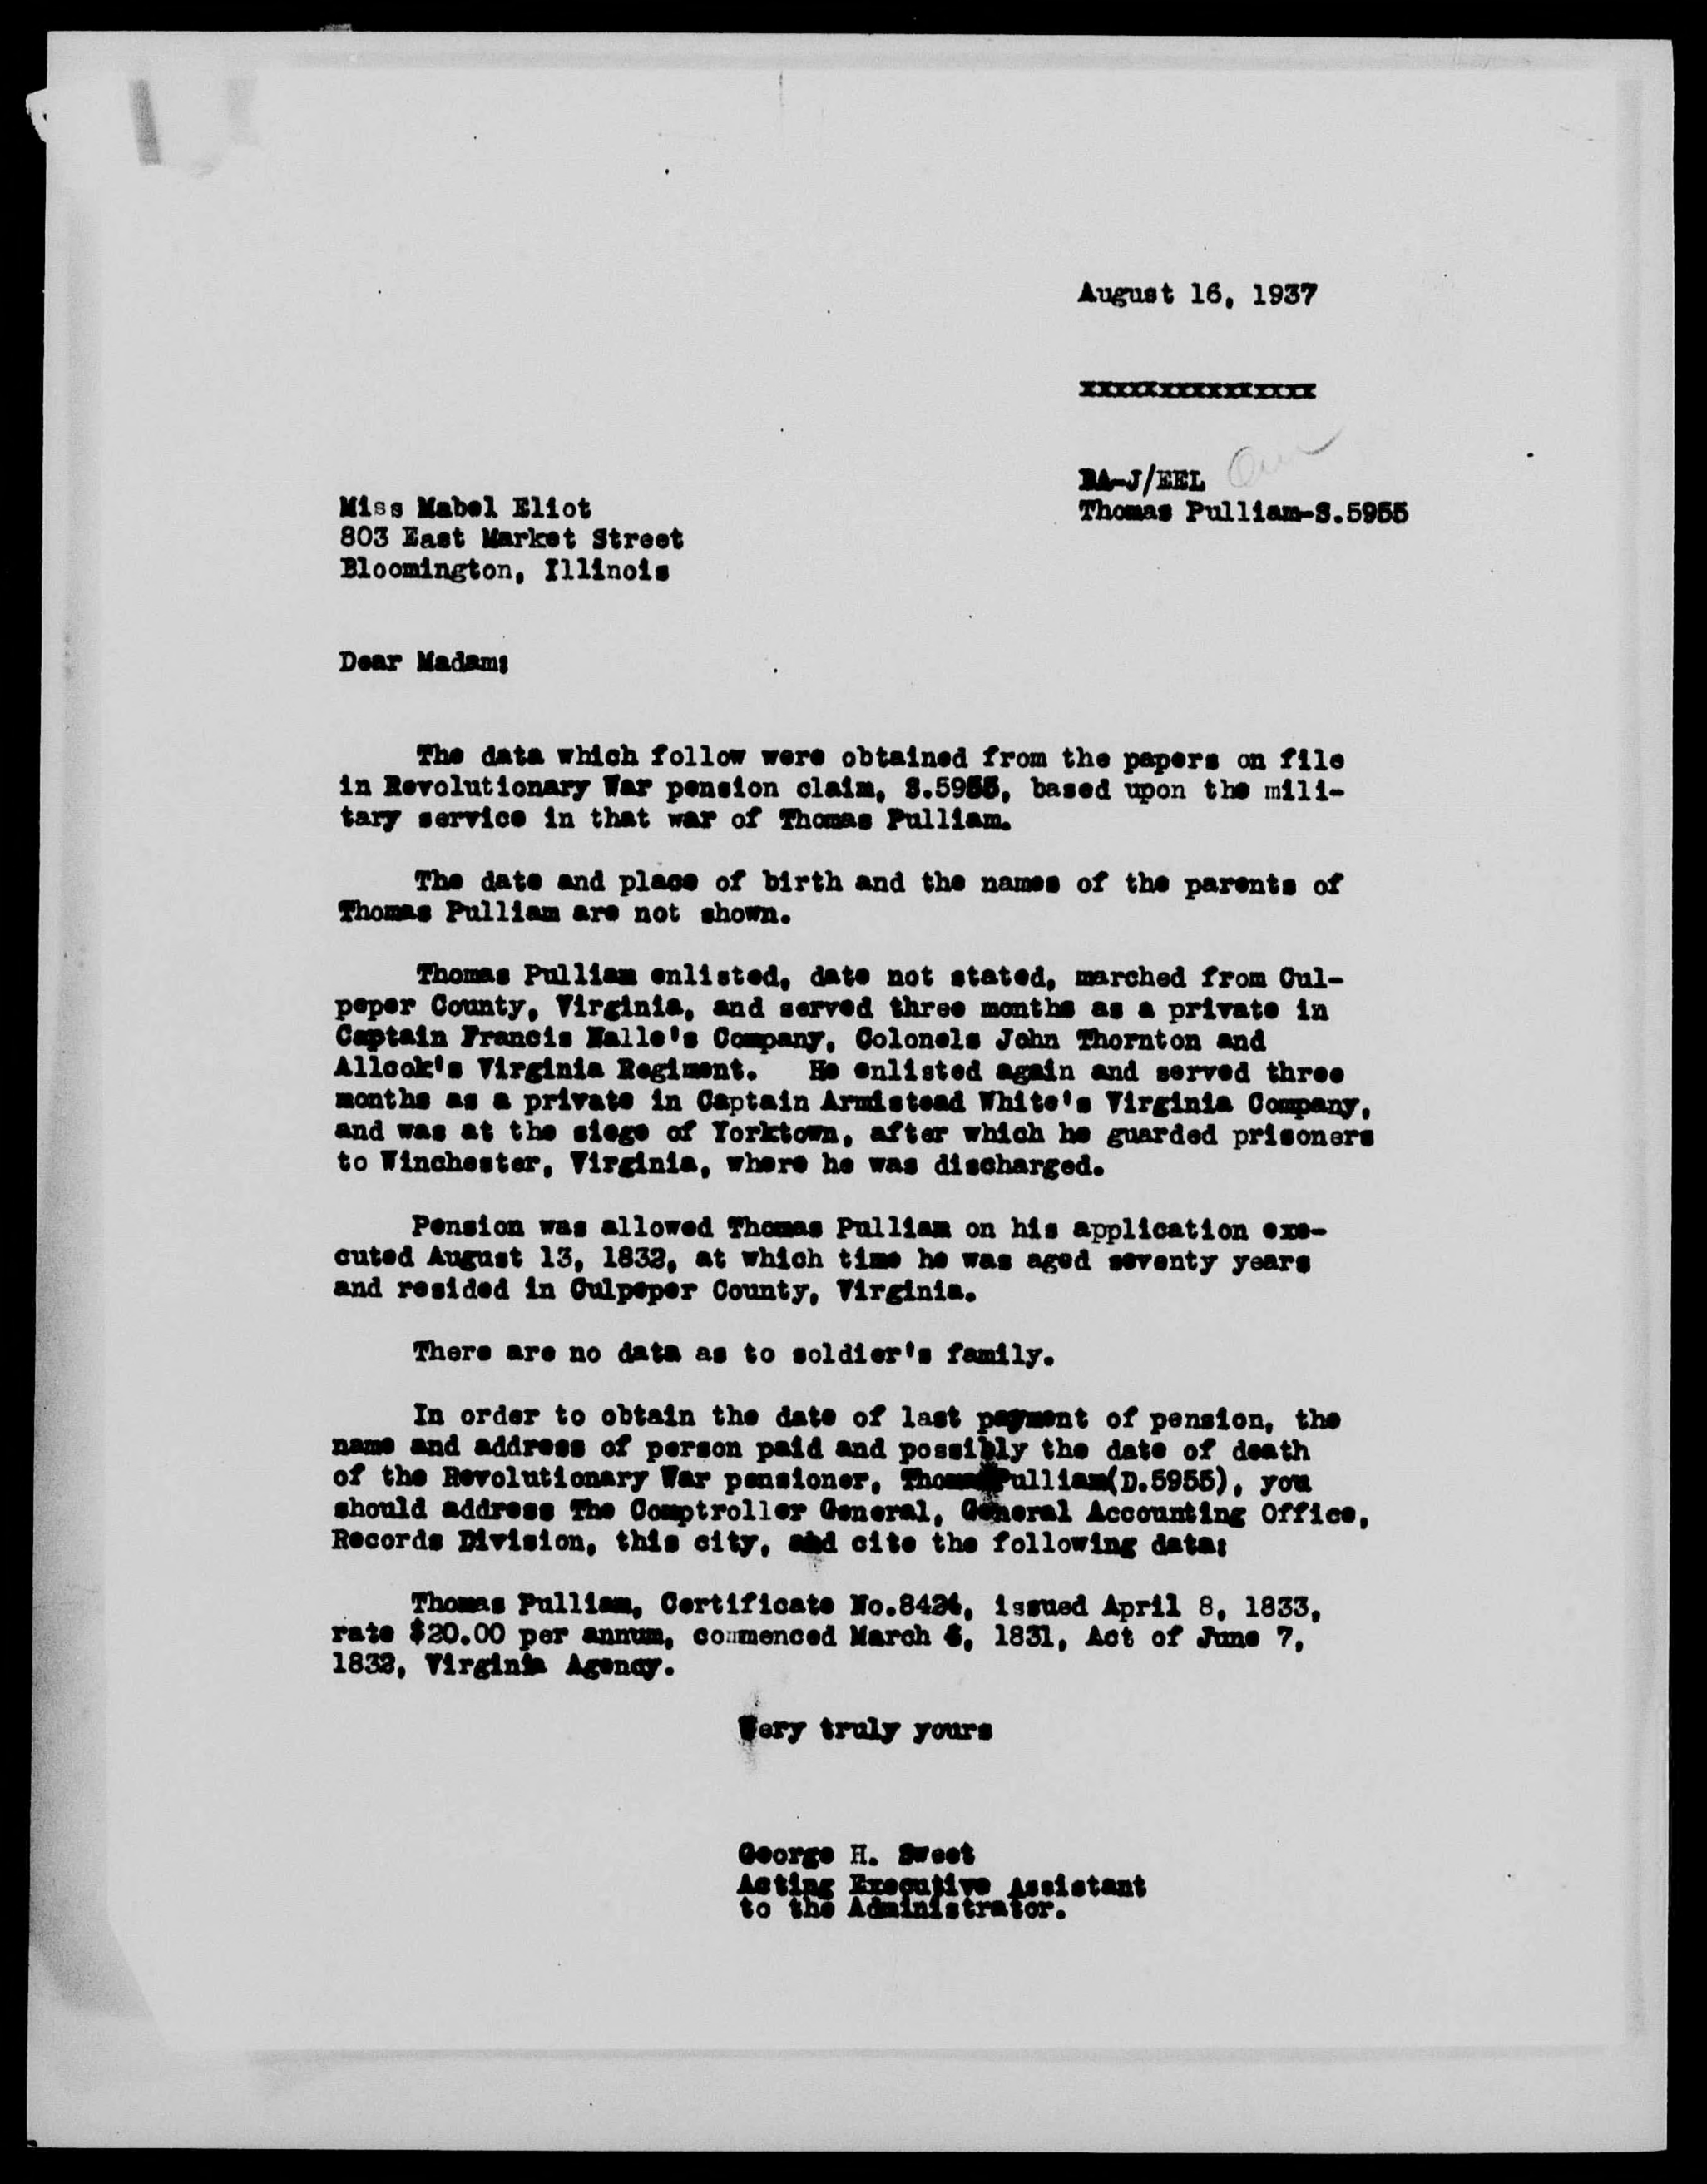August 16, 1937

XXXXXXXX

BA-J/EEL
Thomas Pulliam- S.5955

Miss Mabel Eliot
803 East Market Street
Bloomington, Illinois

Dear Madam:

The data which follow were obtained from the papers on file
in Revolutionary War pension claim, S. 5955, based upon the military
service in that war of Thomas Pulliam.

The date and place of birth and the names of the parents of
Thomas Pulliam are not shown.

Thomas Pulliam enlisted, date not stated, marched from Culpaper
County, Virginia, and served three months as a private in
Captain Francis Nalle's Company, Colonels John Thornton and
Allcok's Virginia Regiment. He enlisted again and served three
months as a private in Captain Armistead White's Virginia Company,
and was at the siege of Yorktown, after which he guarded prisoners
to Winchester, Virginia, where he was discharged.

Pension was allowed Thomas Pulliam on his application executed
August 13, 1832, at which time he was aged seventy years
and resided in Culpeper County, Virginia.

There are no data as to soldier's family.

In order to obtain the date of last payment of pension, the
name and address of person paid and possibly the date of death
of the Revolutionary War pensioner, Thomas Pulliam (D.5955), you
should address The Comptroller General, General Accounting Office,
Records Division, this city, and cite the following data:

Thomas Pulliam, Certificate No. 424, issued April 8, 1833,
rate $20.00 per annum, commenced March 4, 1831, Act of June 7,
1832, Virginia Agency.

Very truly yours
George H. Sweet
Acting Executive Assistant
to the Administrator.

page: 6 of 27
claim: survivor's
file: S. 5,955, for Thomas Pulliam, Virginia